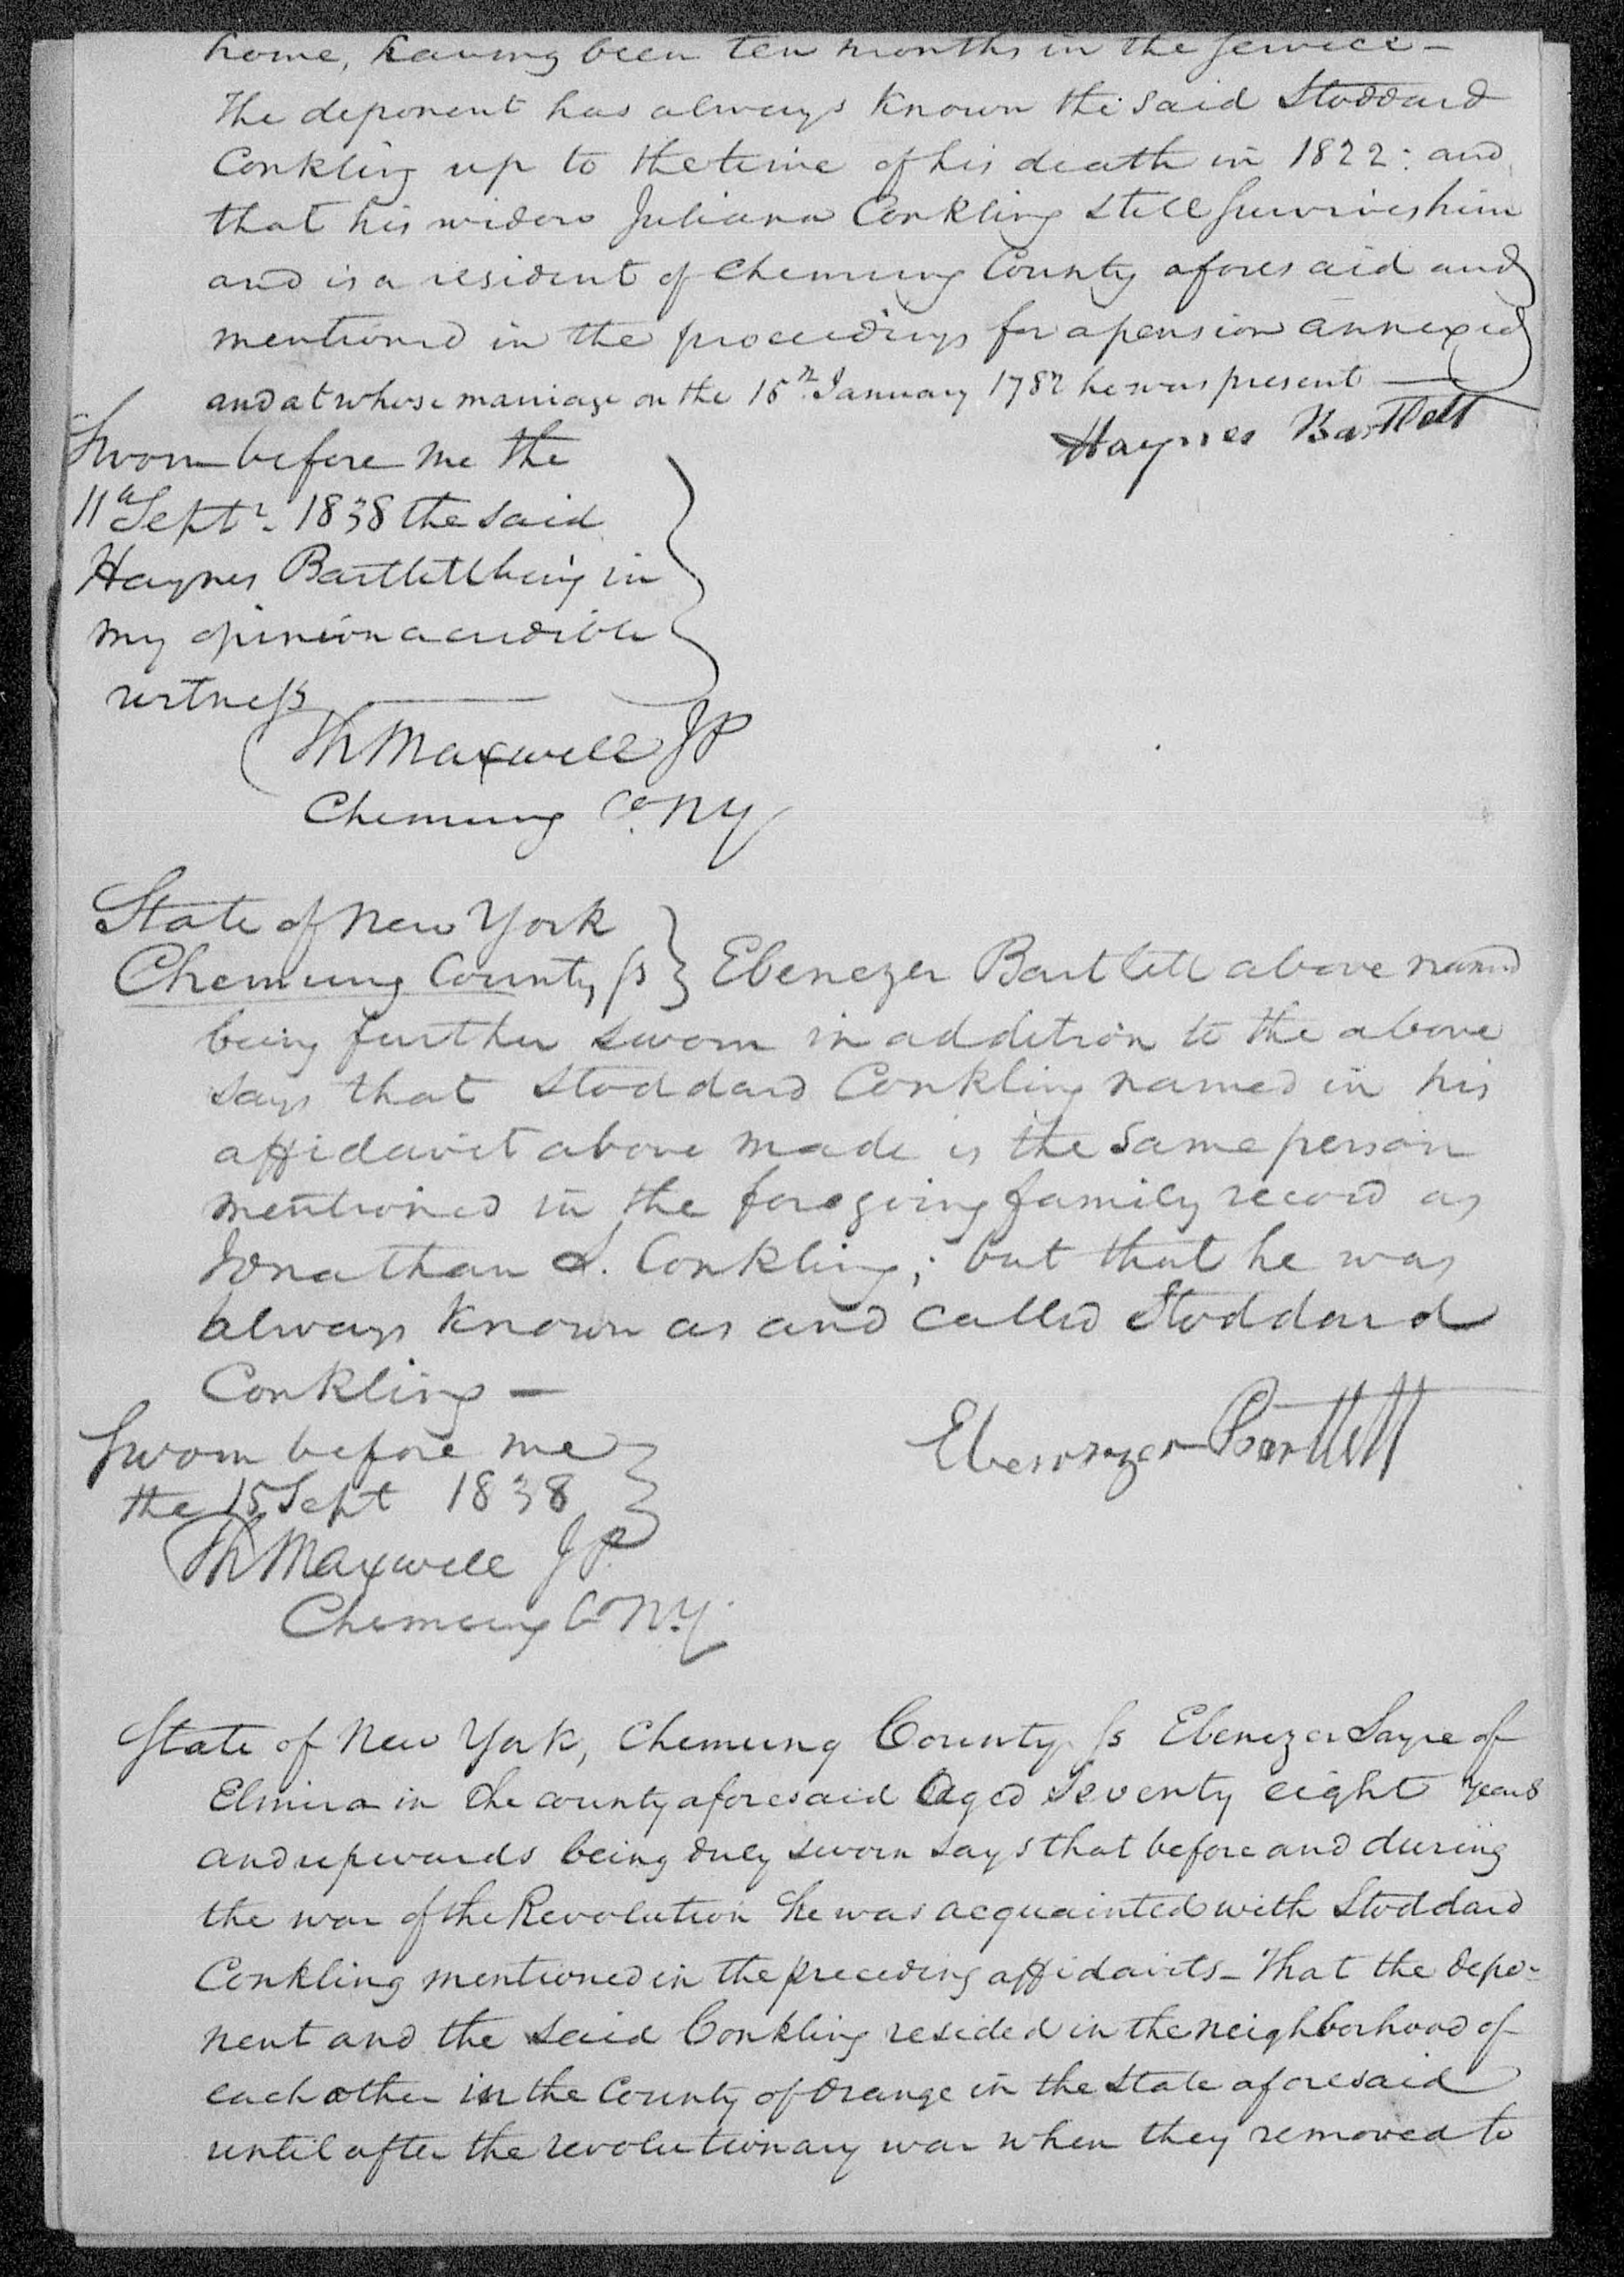home, having been ten months in the service the deponent has always known the said Stoddard Conkling up to the time of his death in 1822: and that his widow Juliana Conkling still survives him and is a resident of Chemung County aforesaid and mentioned in the proceedings for a pension annexed and at whose marriage on the 15th January 1782 he was present.  Haynes Bartlett
Sworn before me the 11th Sept  1838 the said Haynes Bartlett being in my opinion a credible witness Th Maxwell JP  Chemung Co. NY
State of New York Chemung County ss} Ebenezer Bartlett above named being further sworn in addition to the above says that Stoddard Conkling named in his affidavit above made is the same person mentioned in the foregoing family record as Jonathan S. Conkling; but that he was always known as and called Stoddard Conkling.   Ebenezer Bartlett
Sworn before me the 15 Sept 1838}  Th Maxwell JP. Chemung C. NY.
State of New York, Chemung County ss Ebenezer Sayre of Elmira in the county aforesaid aged seventy eight years and upwards being duly sworn says that before and during the war of the Revolution he was acquainted with Stoddard Conkling mentioned in the preceding affidavits. That the deponent and the said Conkling resided in the neighborhood of each other in the county of Orange in the state aforesaid until after the revolutionary war when they removed to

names: Ebenezer Bartlett, Stoddard Conkling, Juliana Conkling, Th Maxwell, Ebenezer Sayre, Jonathan S Conkling, Stoddard Conkling, Stoddard Conkling, Ebenezer Bartlett, Haynes Bartlett, Th Maxwell, Conkling, Stoddard Conkling, Haynes Bartlett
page: 10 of 18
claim: widow's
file: W. 18,939, Jonathan S Conkling, New York